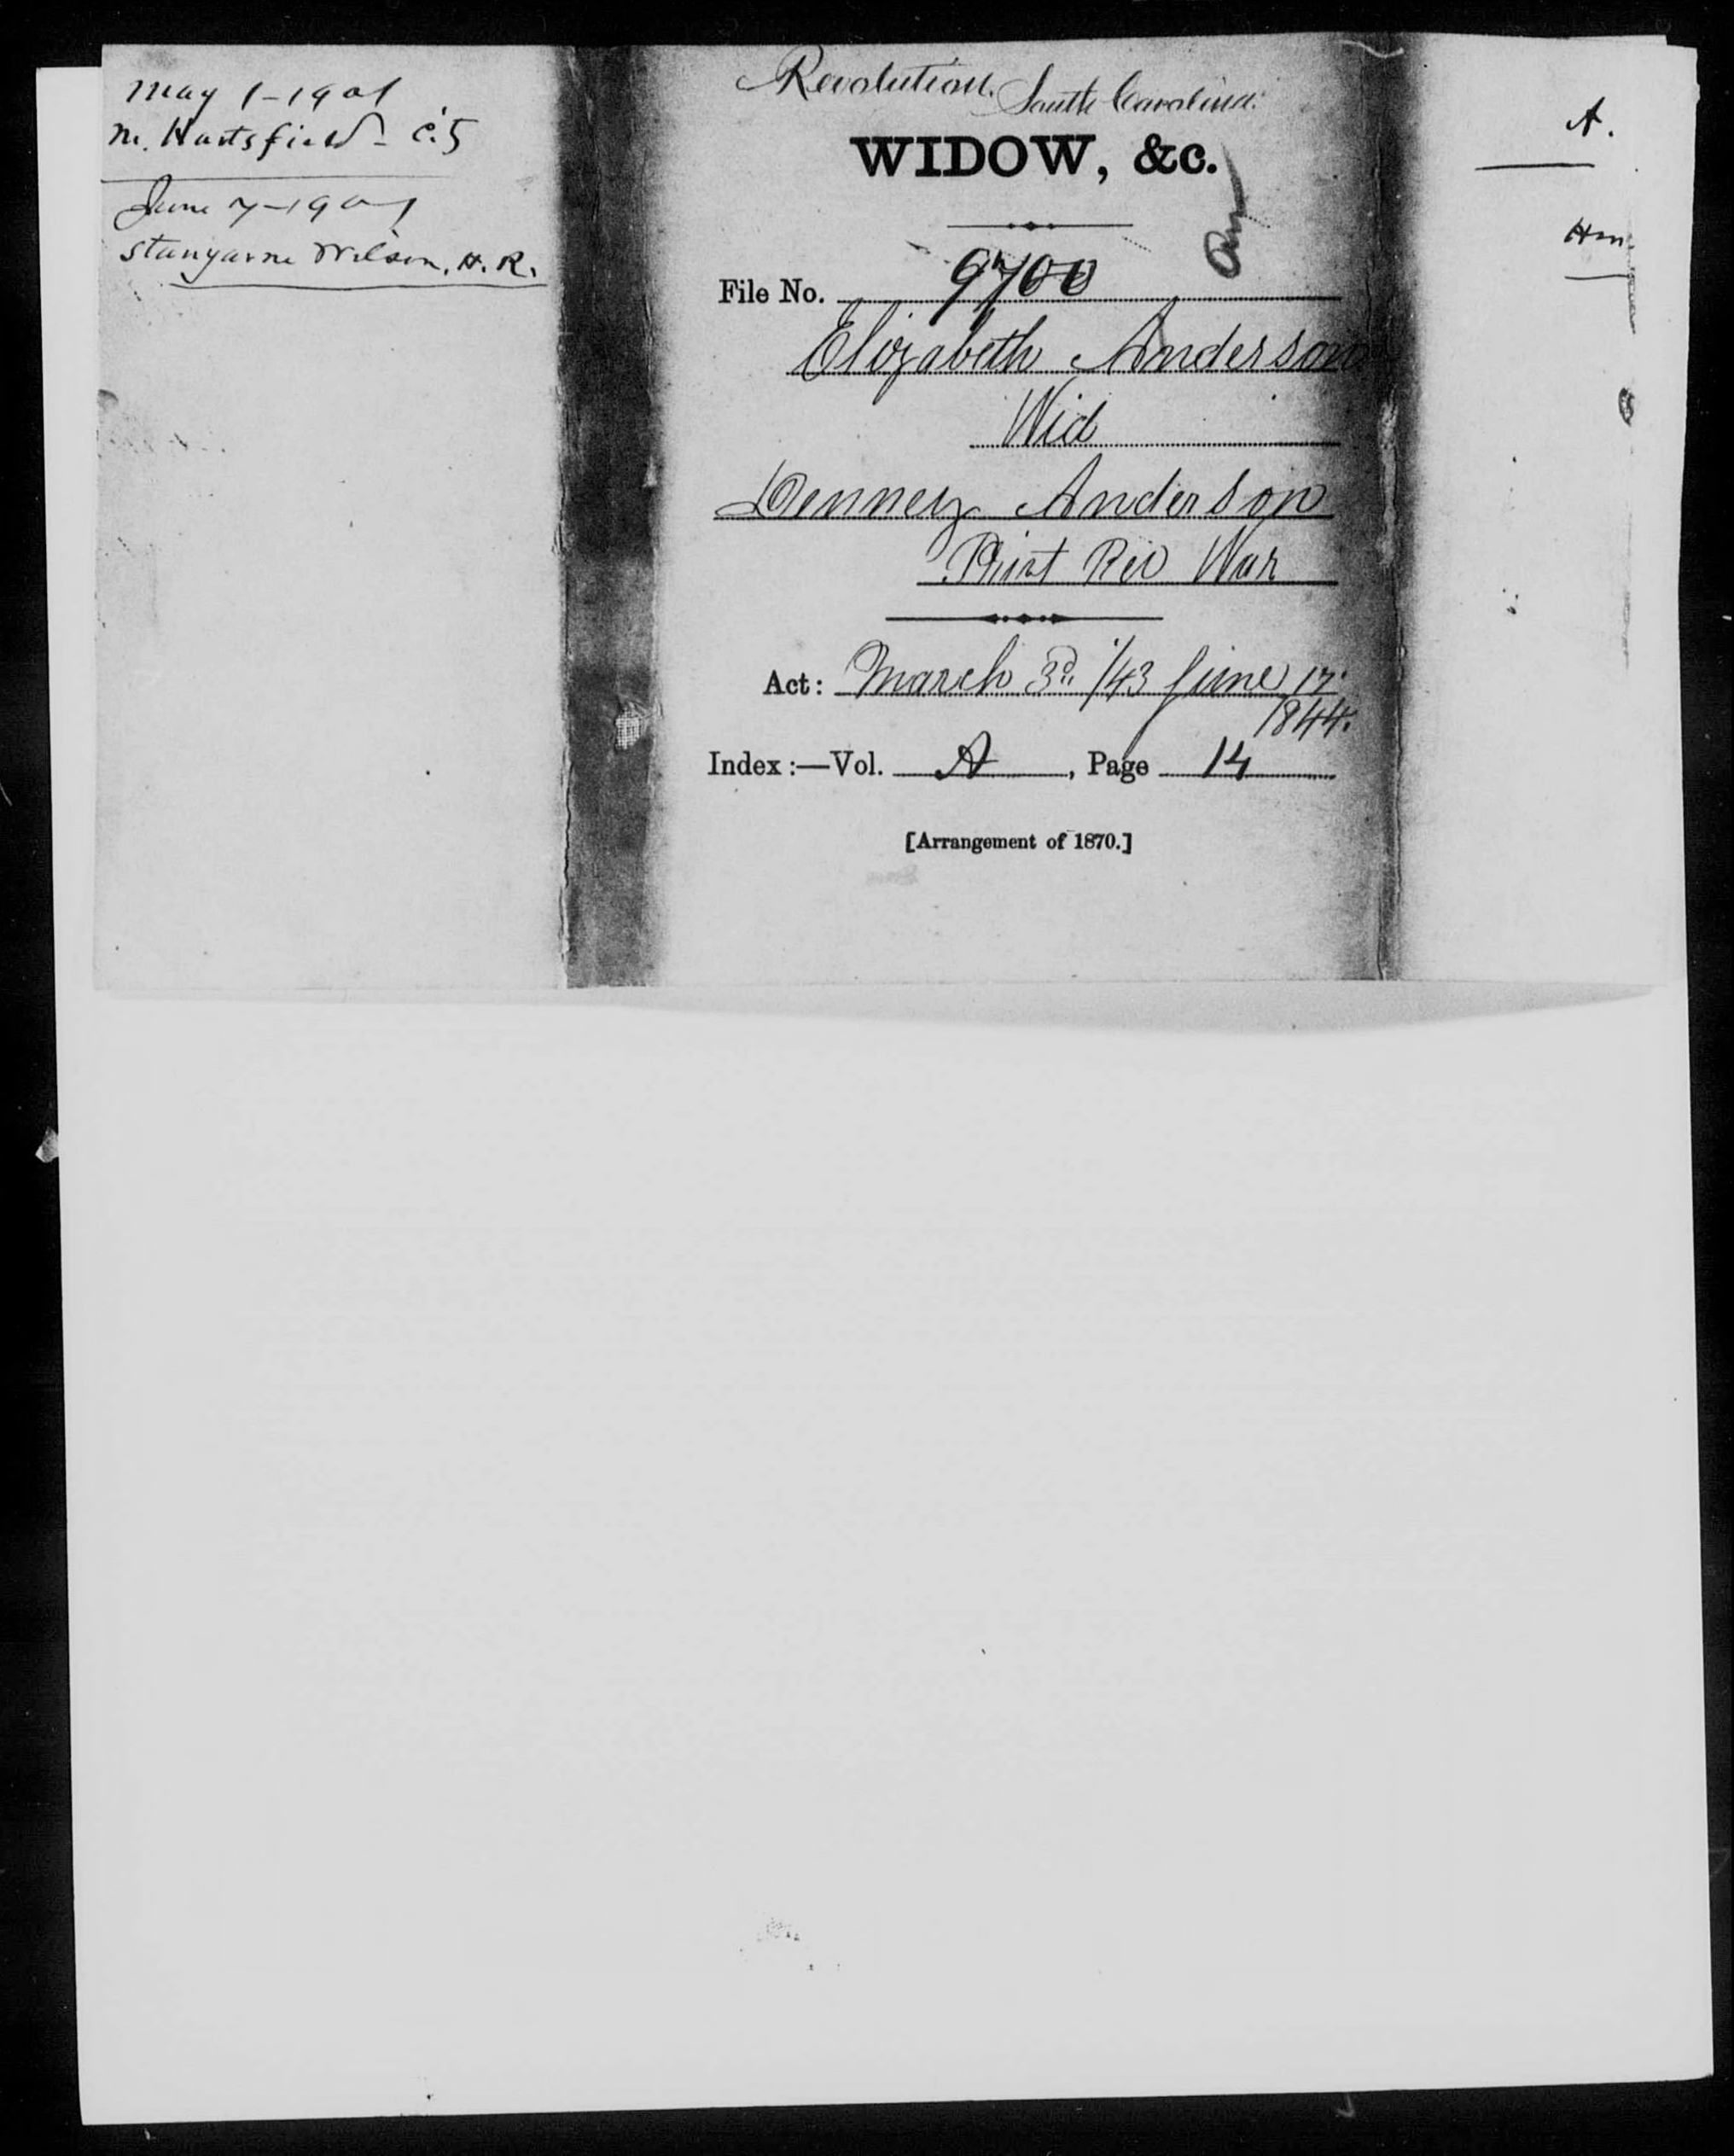[first column]
May 1 -1901
A. M. Hartsfield  C5
---
June 7 - 1901
Hon. Stanyarne Wilson H.R.

[second column]
Revolution, South Carolina 
WIDOW, &c.
File No. 9700
Elizabeth Anderson
Wid
Denney Anderson
Privt Rev War 
Act: March 3rd '/43 June 17 1844.
Index: - Vol. A, Page 14
[Arrangement of 1870.]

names: Denney Anderson, Elizabeth Anderson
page: 21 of 51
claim: widow's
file: W. 9700, Denney Anderson, S.C.